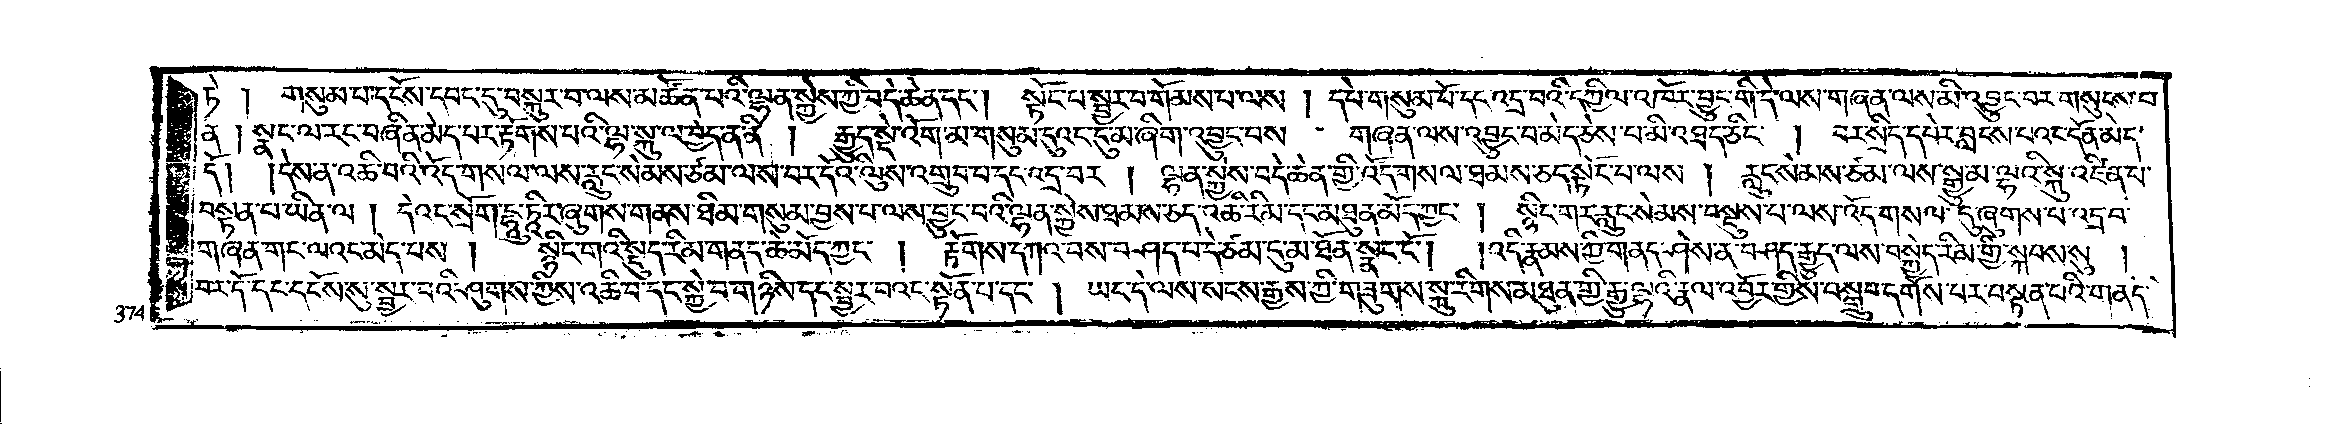ཏེ། གསུམ་པ་དངོས་དབང་དུ་བསྐུར་བ་ལས་མཚོན་པའི་ལྷན་སྐྱེས་ཀྱི་བདེ་ཆེན་དང་། སྟོང་པ་སྦྱར་བ་གོམས་པ་ལས། དཔེ་གསུམ་པོ་དང་འདྲ་བའི་དཀྱིལ་འཁོར་བྱུང་གི་དེ་ལས་གཞན་ལས་མི་འབྱུང་བར་གསུངས་པ་
ན། སྣང་ལ་རང་བཞིན་མེད་པར་རྟོགས་པའི་ལྷ་སྐུ་ལ་བྱེད་ན་ནི། རྒྱུད་སྡེ་འོག་མ་གསུམ་དུའང་དུ་མ་ཞིག་འབྱུང་བས། གཞན་ལས་འབྱུང་བ་མེད་ཅེས་པ་མི་འཐད་ཅིང་། བར་སྲིད་དཔེར་བླངས་པའང་དོན་མེད་
དོ། །དེས་ན་འཆི་བའི་འོད་གསལ་ལས་རླུང་སེམས་ཙམ་ལས་བར་དོའི་ལུས་འགྲུབ་པ་དང་འདྲ་བར། ལྷན་སྐྱེས་བདེ་ཆེན་གྱི་འོད་གསལ་ཐམས་ཅད་སྟོང་པ་ལས། རླུང་སེམས་ཙམ་ལས་སྒྱུ་མ་ལྷའི་སྐུ་འཛིན་པ་
བསྟན་པ་ཡིན་ལ། དེའང་སྲོག་དྷཱུ་ཏཱིར་ཞུགས་གནས་ཐིམ་གསུམ་བྱས་པ་ལས་བྱུང་བའི་ལྷན་སྐྱེས་ཐམས་ཅད་འཆི་རིམ་དང་མཐུན་མོད་ཀྱང་། སྙིང་གར་རླུང་སེམས་བསྡུས་པ་ལས་འོད་གསལ་དུ་ཞུགས་པ་འདྲ་བ་
གཞན་གང་ལའང་མེད་པས། སྙིང་གའི་སྡུད་རིམ་གནད་ཆེ་མོད་ཀྱང་། རྟོགས་དཀའ་བས་བཤད་པ་དེ་ཙམ་དུ་མ་ཐོན་སྣང་ངོ། །འདི་རྣམས་ཀྱི་གནད་ཤེས་ན་བཤད་རྒྱུད་ལས་བསྐྱེད་རིམ་གྱི་སྐབས་སུ་།
བར་དོ་དང་དངོས་སུ་སྦྱར་བའི་ཤུགས་ཀྱིས་འཆི་བ་དང་སྐྱེ་བ་གཉིས་དང་སྦྱར་བའང་སྟོན་པ་དང་། ཡང་དེ་ལས་སངས་རྒྱས་ཀྱི་གཟུགས་སྐུ་རིགས་མཐུན་གྱི་རྒྱུ་ལྷའི་རྣལ་འབྱོར་གྱིས་བསྒྲུབ་དགོས་པར་བསྟན་པའི་གནད་